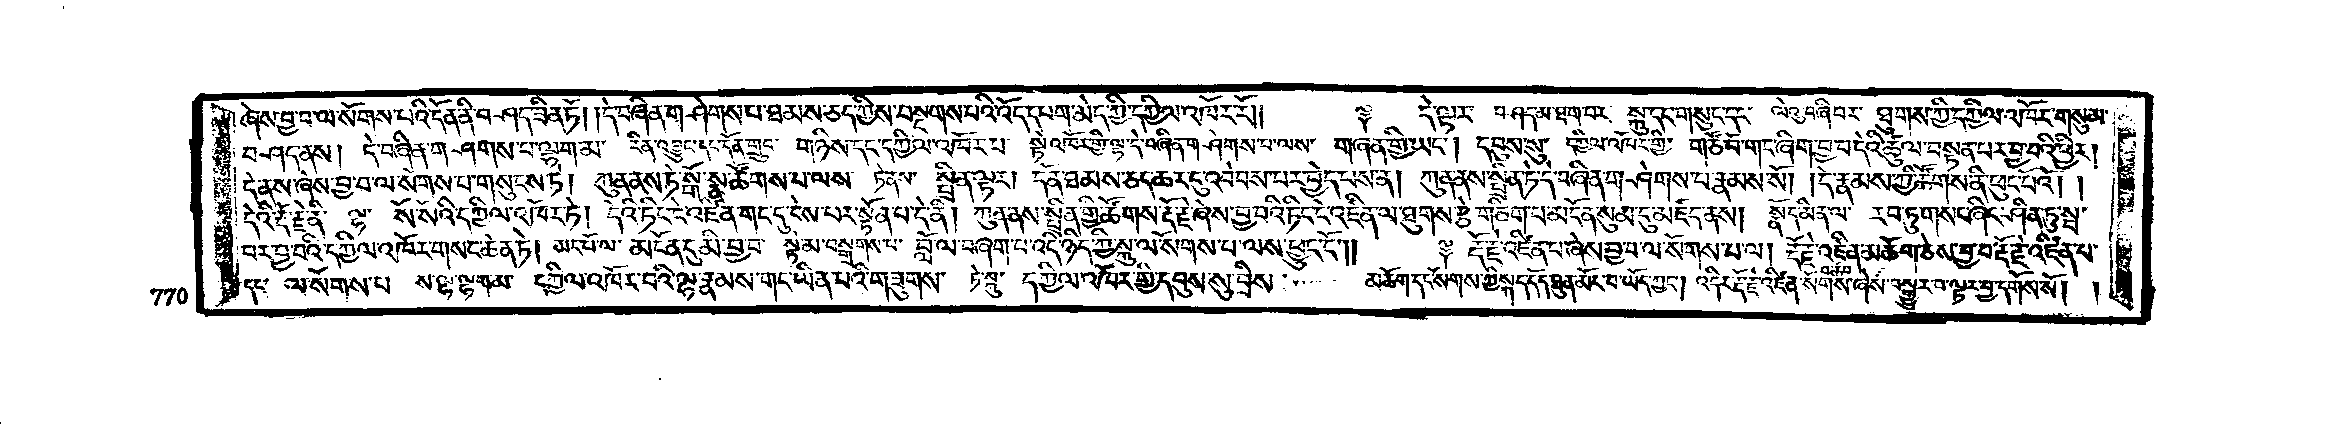ཞེས་བྱ་བ་ལ་སོགས་པའི་དོན་ནི་བཤད་ཟིན་ཏོ། །དེ་བཞིན་གཤེགས་པ་ཐམས་ཅད་ཀྱིས་བསྔགས་པའི་འོད་དཔག་མེད་ཀྱི་དཀྱིལ་འཁོར་རོ།། ༈ དེ་ལྟར་བཤད་མ་ཐག་པར་སྐུ་དང་གསུང་དང་ལེའུ་བཞི་བར་ཐུགས་ཀྱི་དཀྱིལ་འཁོར་གསུམ་
བཤད་ནས། དེ་བཞིན་གཤེགས་པ་ལྷག་མ་རིན་འབྱུང་དང་དོན་གྲུབ་གཉིས་དང་དཀྱིལ་འཁོར་པ་སྟེ་འཁོར་གྱི་ལྷ་དེ་བཞིན་གཤེགས་པ་ལས་གཞན་གྱི་ཡང་། དབུས་སུ་དཀྱིལ་འཁོར་གྱི་གཙོ་བོ་གང་ཞིག་བྱ་བ་དེའི་ཚུལ་བསྟན་པར་བྱ་བའི་ཕྱིར།
དེ་ནས་ཞེས་བྱ་བ་ལ་སོགས་པ་གསུངས་ཏེ། ཀུན་ནས་ཏེ་སྒོ་སྣ་ཚོགས་པ་ལས་ཏེ་ནས་སྤྲིན་ལྟར། དོན་ཐམས་ཅད་ཆར་དུ་འབེབས་པར་བྱེད་པས་ན། ཀུན་ནས་སྤྲིན་ཏེ་དེ་བཞིན་གཤེགས་པ་རྣམས་སོ། །དེ་རྣམས་ཀྱི་ཚོགས་ནི་ཕུང་པོའོ། །
དེའི་རྡོ་རྗེ་ནི་ལྷ་སོ་སོའི་དཀྱིལ་འཁོར་ཏེ། དེའི་ཏིང་ངེ་འཛིན་གང་དུ་ངེས་པར་སྟོན་པ་དེ་ནི། ཀུན་ནས་སྤྲིན་གྱི་ཚོགས་རྡོ་རྗེ་ཞེས་བྱ་བའི་ཏིང་ངེ་འཛིན་ལ་ཐུགས་རྩེ་གཅིག་པ་མངོན་སུམ་དུ་མཛད་ནས། སྣོད་མིན་ལ་རབ་ཏུ་གསང་ཞིང་ཤིན་ཏུ་སྦ་
བར་བྱ་བའི་དཀྱིལ་འཁོར་གསང་ཆེན་ཏེ། མང་པོ་ལ་མངོན་དུ་མི་བྱ་བ་སྟེ་མ་བསྒྲགས་པ་བློ་ལ་བཞག་པ་འདི་ཉིད་ཀྱི་སྐུ་ལ་སོགས་པ་ལས་ཕྱུང་ངོ།། ༈ རྡོ་རྗེ་འཛིན་པ་ཞེས་བྱ་བ་ལ་སོགས་པ་ལ། རྡོ་རྗེ་འཛིན་མཆོག་ཅེས་བྱ་བ་རྡོ་རྗེ་འཛིན་པ་
དང་ལ་སོགས་པས་ལྷ་ལྷག་མ་དཀྱིལ་འཁོར་པའི་ལྷ་རྣམས་གང་ཡིན་པའི་གཟུགས་ཏེ་སྐུ་དཀྱིལ་འཁོར་གྱི་དབུས་སུ་བྲིསཿ་མཆོག་དང་སོགས་ཀྱི་སྐད་དོད་ཐུན་མོང་བ་ཡོད་ཀྱང་། འདིར་རྡོ་རྗེ་འཛིན་སོགས་པ་ཚབ་ཞེས་བསྒྱུར་བ་ལྟར་བྱ་དགོས་སོ། །